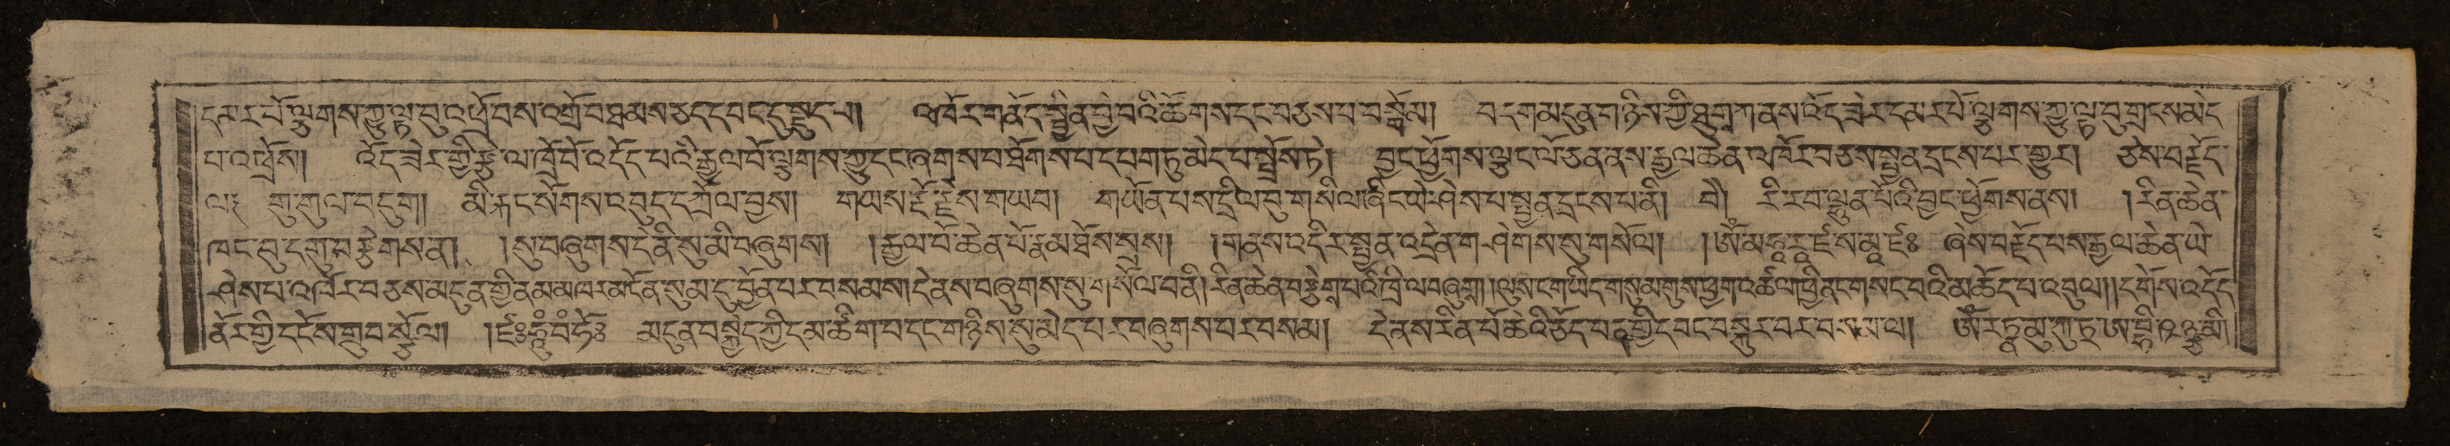དམར་པོ་ལྕགས་ཀྱུ་ལྟ་བུ་འཕྲོ་བས་འགྲོ་བ་ཐམས་ཅད་དབང་དུ་སྡུད་པ། འཁོར་གནོད་སྦྱིན་བྱེ་བའི་ཚོགས་དང་བཅས་པ་བསྒོམ། བདག་མདུན་གཉིས་ཀྱི་ཐུགས་ཀ་ནས་འོད་ཟེར་དམར་པོ་ལྕགས་ཀྱུ་ལྟ་བུ་གྲངས་མེད་
པ་འཕྲོས། འོད་ཟེར་གྱི་རྩེ་ལ་ཁྲོ་བོ་འདོད་པའི་རྒྱལ་པོ་ལྕགས་ཀྱུ་དང་ཞགས་པ་ཐོགས་པ་དཔག་ཏུ་མེད་པ་སྤྲོས་ཏེ། བྱང་ཕྱོགས་ལྕང་ལོ་ཅན་ནས་རྒྱལ་ཆེན་འཁོར་བཅས་སྤྱན་དྲངས་པར་གྱུར། ཅེས་བརྗོད་
ལ༑ གུ་གུལ་བདུག། མི་རྐང་སོགས་འབུད་དཀྲོལ་བྱས། གཡས་རྡོ་རྗེས་གཡབ། གཡོན་པས་དྲིལ་བུ་གསིལ་ཞིང་ཡེ་ཤེས་པ་སྤྱན་དྲངས་པ་ནི། བཻ། རི་རབ་ལྷུན་པོའི་བྱང་ཕྱོགས་ནས། །རིན་ཆེན་
ཁང་བུ་དགུ་བརྩེགས་ན། །སུ་བཞུགས་དེ་ནི་སུ་མི་བཞུགས། །རྒྱལ་པོ་ཆེན་པོ་རྣམ་ཐོས་སྲས། །གནས་འདིར་སྤྱན་འདྲེན་གཤེགས་སུ་གསོལ། །ཨོཾ་མཧཱ་རཱ་ཛ་ས་མཱ་ཛཿ ཞེས་བརྗོད་པས་རྒྱལ་ཆེན་ཡེ་
ཤེས་པ་འཁོར་བཅས་མདུན་གྱི་ནམ་མཁར་མངོན་སུམ་དུ་བྱོན་པར་བསམས། དེ་ནས་བཞུགས་སུ་གསོལ་བ་ནི། རིན་ཆེན་བརྩེགས་པའི་ཁྲི་ལ་བཞུགས། །ལུས་ངག་ཡིད་གསུམ་གུས་ཕྱག་འཚལ། ཕྱི་ནང་གསང་བའི་མཆོད་པ་འབུལ། །དགོས་འདོད་
ནོར་གྱི་དངོས་གྲུབ་སྩོལ། །ཛཿཧཱུཾ་བཾ་ཧོཿ མདུན་བསྐྱེད་ཀྱི་དམ་ཚིག་བ་དང་གཉིས་སུ་མེད་པར་བཞུགས་པར་བསམ། དེ་ནས་རིན་པོ་ཆེའི་ཅོད་པན་གྱི་དབང་བསྐུར་བར་བསམ་ལ། ཨོཾ་རཏྣ་མུ་ཀུ་ཏྲ་ཨ་བྷི་ཥཉྩ་མི།